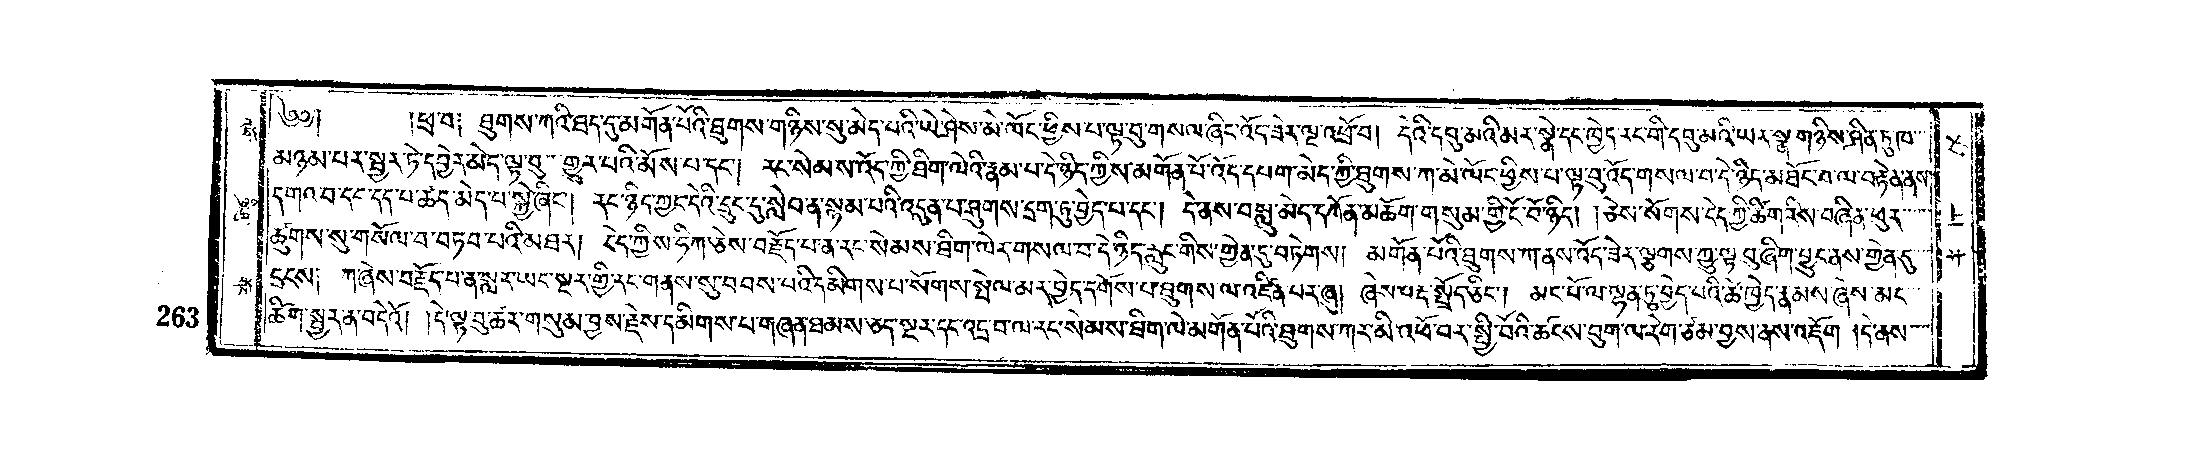༄༅། །ཕྲ་བ། ཐུགས་ཀའི་ཐད་དུ་མགོན་པོའི་ཐུགས་གཉིས་སུ་མེད་པའི་ཡེ་ཤེས་མེ་ལོང་ཕྱིས་པ་ལྟ་བུ་གསལ་ཞིང་འོད་ཟེར་ལྔ་འཕྲོ་བ། དེའི་དབུ་མའི་མར་སྣེ་དང་ཁྱེད་རང་གི་དབུ་མའི་ཡར་སྣ་གཉིས་ཤིན་ཏུ་ཁ་
མཉམ་པར་སྦྱར་ཏེ་དབྱེར་མེད་ལྟ་བུ་གྱུར་པའི་མོས་པ་དང་། རང་སེམས་འོད་ཀྱི་ཐིག་ལེའི་རྣམ་པ་དེ་ཉིད་ཀྱིས་མགོན་པོ་འོད་དཔག་མེད་ཀྱི་ཐུགས་ཀ་མེ་ལོང་ཕྱིས་པ་ལྟ་བུ་འོད་གསལ་བ་དེ་ཉིད་མཐོང་བ་ལ་བརྟེན་ནས་
དགའ་བ་དང་དད་པ་ཚད་མེད་པ་སྐྱེ་ཞིང་། རང་ཉིད་ཀྱང་དེའི་དྲུང་དུ་སླེབ་ན་སྙམ་པའི་འདུན་པ་ཤུགས་དྲག་ཏུ་བྱེད་པ་དང་། དེ་ནས་བསླུ་མེད་དཀོན་མཆོག་གསུམ་གྱི་ངོ་བོ་ཉིད། །ཅེས་སོགས་ངེད་ཀྱི་ཚིག་རིས་བཞིན་ཕུར་
ཚུགས་སུ་གསོལ་བ་བཏབ་པའི་མཐར། ངེད་ཀྱིས་ཧིཀ་ཅེས་བརྗོད་པ་ན་རང་སེམས་ཐིག་ལེར་གསལ་བ་དེ་ཉིད་རླུང་གིས་གྱེན་དུ་བཏེགས། མགོན་པོའི་ཐུགས་ཀ་ནས་འོད་ཟེར་ལྕགས་ཀྱུ་ལྟ་བུ་ཞིག་བྱུང་ནས་གྱེན་དུ་
དྲངས། ཀ་ཞེས་བརྗོད་པ་ན་སླར་ཡང་སྔར་གྱི་རང་གནས་སུ་བབས་པའི་དམིགས་པ་སོགས་སྤེལ་མར་བྱེད་དགོས་པ་ཐུགས་ལ་འཛིན་པར་ཞུ། ཞེས་བརྡ་སྤྲོད་ཅིང་། མང་པོ་ལ་ལྷན་ཏུ་བྱེད་པའི་ཚེ་ཁྱེད་རྣམས་ཞེས་མང་
ཚིག་སྦྱར་ན་བདེའོ། །དེ་ལྟ་བུ་ཚར་གསུམ་བྱས་རྗེས་དམིགས་པ་གཞན་ཐམས་ཅད་སྔར་དང་འདྲ་བ་ལ་རང་སེམས་ཐིག་ལེ་མགོན་པོའི་ཐུགས་ཀར་མི་འཕོ་བར་སྤྱི་བོའི་ཚངས་བུག་ལ་རེག་ཙམ་བྱས་ནས་འཇོག །དེ་ནས་